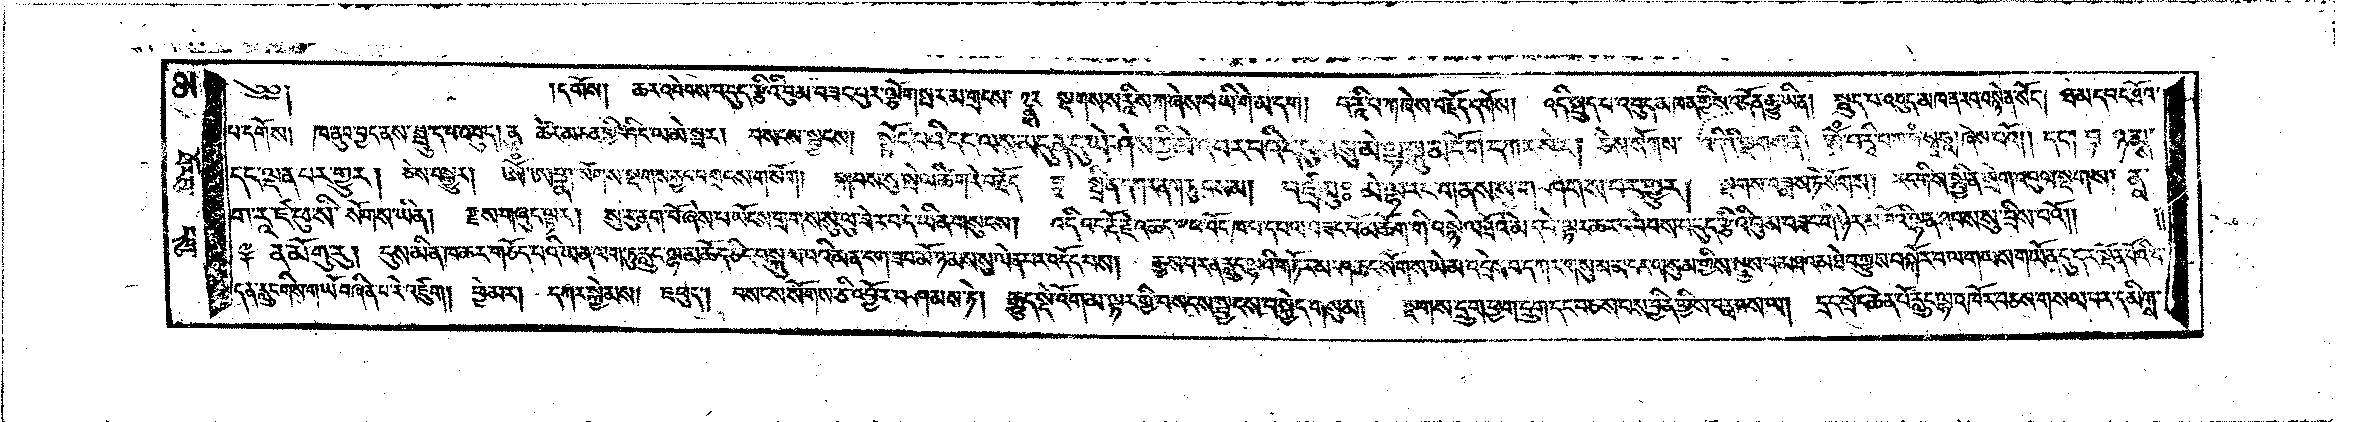༄༅། །དགོས། ཆར་འབེབས་བདུད་རྩིའི་བུམ་བཟང་པུར་ལྕོག་སྤར་མ་གྲངས ༡༢ན༥་སྔགས་ས་རཱི་ས་ཀ་ཞེས་པ་ཡི་གེ་མ་དག། བཌཱི་པ་ཀ་ཞེས་བརྗོད་དགོས། འདི་སྤུད་པ་འབུད་མཁན་གྱིས་འདོར་རྒྱུ་ཡིན། སྤུད་པ་འབུད་མཁན་རབ་བསྙེན་སོང་། ཐམ་དབང་ཐོབ་
པ་དགོས། ཁ་ནུབ་བྱང་ནས་སྤུ་ད་པ་འབུད། ན༦་ཚེར་མ་ཅན་གྱི་ཤིང་ལ་མེ་སྦར། བསངས་སྦྱངས། སྟོང་པའི་ངང་ལས་མདུན་དུ་ཡེ་ཤེས་ཀྱི་མེ་འབར་བའི་དབུས་སུ་མེ་ལྟ་སྐུ་མདོག་དཀར་སེར། ཅེས་སོགས་འདིའི་སྔགས་ནི། ཨོཾ་བརཱི་བཀྟི་སྭཱཧཱ། ཞེས་པའོ།།  དང་། བ༡་ཉམས་
དང་ལྡན་པར་གྱུར། ཅེས་བསྒྱུར༑ ཨོཾ་ཨགན་སོགས་སྔགས་རྒྱང་བགྲངས་གསོག། སྐབས་སུ་སྤེལ་ཚིག་རེ་བརྗོད་བ༢་སྤྲིན་དཀར་ནག་ཏུ་བསམ།  བཛྲམུཿམེ་ལྷ་རང་གནས་སུ་གཤེགས་པར་གྱུར། སྔགས་བཟླས་ཏོ་སོགས། རང་གིས་སྦྱིན་སྲེག་འབུལ་སྔགས། ནཱ་
ག་རཱ་ཛ་ཕུ་སི་སོགས་ཡིན། རྫས་གཞུང་ལྟར། སུ་རུ་ནག་པོ་ཞེས་པ་ཡོངས་གྲགས་སུ་ལུ་ཟེར་བ་དེ་ཡིན་གསུངས། འདིའང་རྡོ་རྗེ་འཆང ༧་ཕ་བོང་ཁ་པ་དཔལ་བཟང་པོ་མཆོག་གི་བསྙེལ་ཐོའི་མེ་དཔེ་ལྟར་ཆར་འབེབས་བདུད་རྩིའི་བུམ་བཟང་གི་ཉེར་མ་ཁོའི་ལྷན་ཐབས་སུ་བྲིས་པའོ།། །།
༈ ན་མོ་གུ་རུ། དུས་མིན་ཁ་ཆར་གཅོད་པའི་ཡན་ལག་ཏུ་རླུང་ལྷ་མཆོད་ཅིང་བསྐུལ་བའི་མན་ངག་ཟབ་མོ་ཉམས་སུ་ལེན་པར་འདོད་པས། རྒྱས་པ་ན་རླུང་ལྷའི་གཏོར་མ་ཤ་ཆང་སོགས་ཡེམ་འདྲེས་པ་བ་དཀར་གསུམ་མང་གསུམ་གྱིས་སྤུས་པ་མཐའ་མཐེབ་ཀྱུས་བསྐོར་བ་ལ་གཡས་གཡོན་དུ་དར་སྟོན་པོའི་བ་
དན་རླུང་གིས་གཡོ་བཞིན་པ་རེ་འཛུག། ཕྱེ་མར། དཀར་སྐྱེམས། ཇ་ཕུད། བསངས་སོགས་ཅི་འབྱོར་བཤམས་ཏེ། རྒྱུད་སྡེ་འོག་མ་ལྟར་གྱི་བསངས་སྦྱངས་བསྐྱེད་གསུམ། སྔགས་དྲུག་ཕྱག་དྲུག་དང་བཅས་པས་བྱིན་གྱིས་བརླབས་པ། དྲང་སྲོང་ཆེན་པོ་རླུང་ལྷ་འཁོར་བཅས་གསལ་བར་དམིགས་